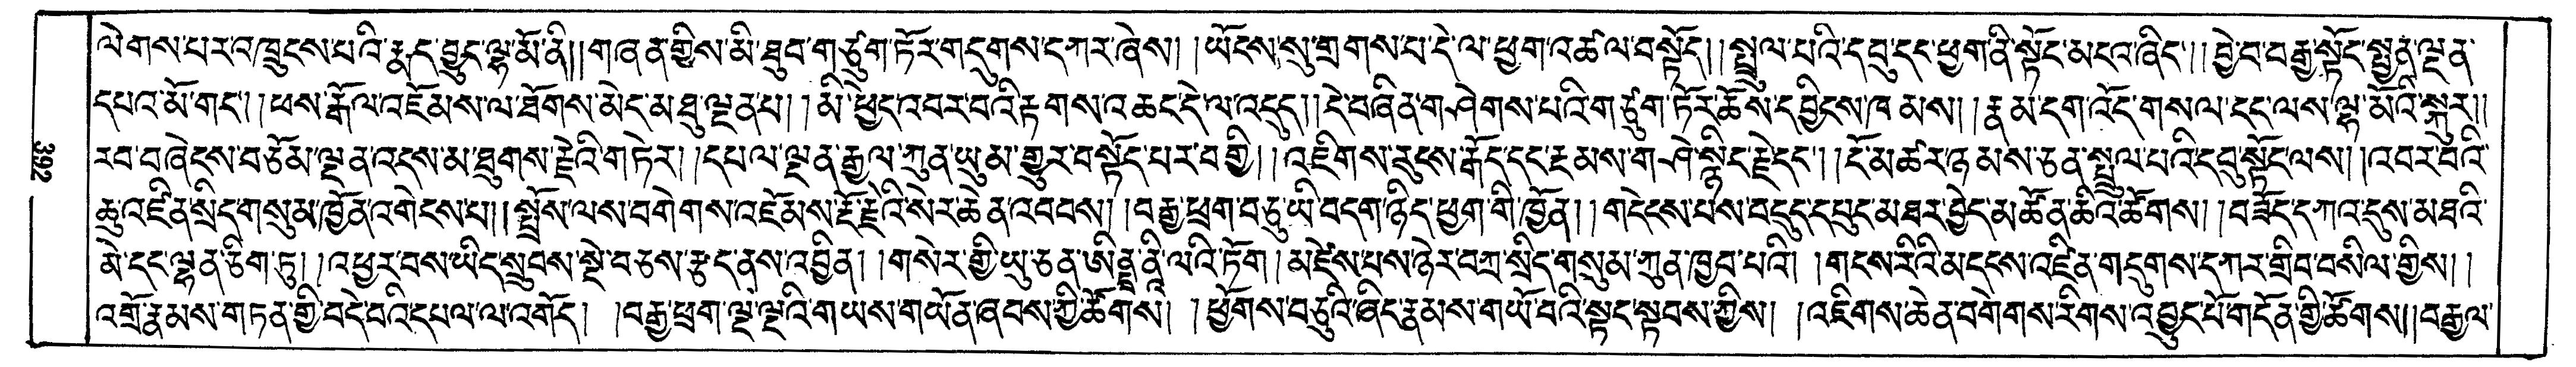ལེགས་པར་འཁྲུངས་པའི་རྨད་བྱུང་ལྷ་མོ་ནི། །གཞན་གྱིས་མི་ཐུབ་གཙུག་ཏོར་གདུགས་དཀར་ཞེས། །ཡོངས་སུ་གྲགས་པ་དེ་ལ་ཕྱག་འཚལ་བསྟོད། །སྤྲུལ་པའི་དབུ་དང་ཕྱག་ནི་སྟོང་མངའ་ཞིང་། །བྱེ་བ་བརྒྱ་སྟོང་སྤྱན་ལྔན་
དཔའ་མོ་གང་། །ཕས་རྒོལ་འཇོམས་ལ་ཐོགས་མེད་མཐུ་ལྔན་པ། །མི་ཕྱེད་འབར་བའི་རྟགས་འཆང་དེ་ལ་འདུད། །དེ་བཞིན་གཤེགས་པའི་གཙུག་ཏོར་ཆོས་དབྱིངས་ཁམས། །རྣམ་དག་འོད་གསལ་ངང་ལས་ལྷ་མོའི་སྐུར།།
རབ་བཞེངས་བཅོམ་ལྡན་འདས་མ་ཐུགས་རྗེའི་གཏེར། །དཔལ་ལྡན་རྒྱལ་ཀུན་ཡུམ་གྱུར་བསྟོད་པར་བགྱི། །འཇིགས་རུངས་རྒོད་དང་རྔམས་གཤེ་སྙིང་རྗེ་དང་། །ངོ་མཚར་ཉམས་ཅན་སྤྲུལ་པའི་དབུ་སྟོང་ལས། །འབར་བའི་
ཆུ་འཛིན་སྲིད་གསུམ་ཁྱོན་འགེངས་པ། །སྤྲོས་ལས་བགེགས་འཇོམས་རྡོ་རྗེའི་སེར་ཆེན་འབབས། །བརྒྱ་ཕྲག་བཅུ་ཡི་བདག་ཉིད་ཕྱག་གི་ཁྱོན། །གདེངས་པས་བདུད་དཔུང་མཐར་བྱེད་མཚོན་ཆའི་ཚོགས། །བཟོད་དཀའ་དུས་མཐའི་
མེ་དང་ལྷན་ཅིག་ཏུ། །འཕྱར་བས་ཡིད་སྲུབས་སྡེ་བཅས་རྩད་ནས་འབྱིན། །གསེར་གྱི་ཡུ་ཅན་ཨིནྡྲ་ནཱི་ལའི་ཏོག །མཛེས་པས་ཉེར་བཀྲ་སྲིད་གསུམ་ཀུན་ཁྱབ་པའི། །གངས་རིའི་མདངས་འཛིན་གདུགས་དཀར་གྲིབ་བསིལ་གྱིས།།
འགྲོ་རྣམས་གཏན་གྱི་བདེ་བའི་དཔལ་ལ་འགོད། །བརྒྱ་ཕྲག་ལྔ་ལྔའི་གཡས་གཡོན་ཞབས་ཀྱི་ཚོགས། །ཕྱོགས་བཅུའི་ཞིང་རྣམས་གཡོ་བའི་སྟང་སྟབས་ཀྱིས། །འཇིགས་ཆེན་བགེགས་རིགས་འབྱུང་པོ་གདོན་གྱི་ཚོགས། །བརྒྱལ་